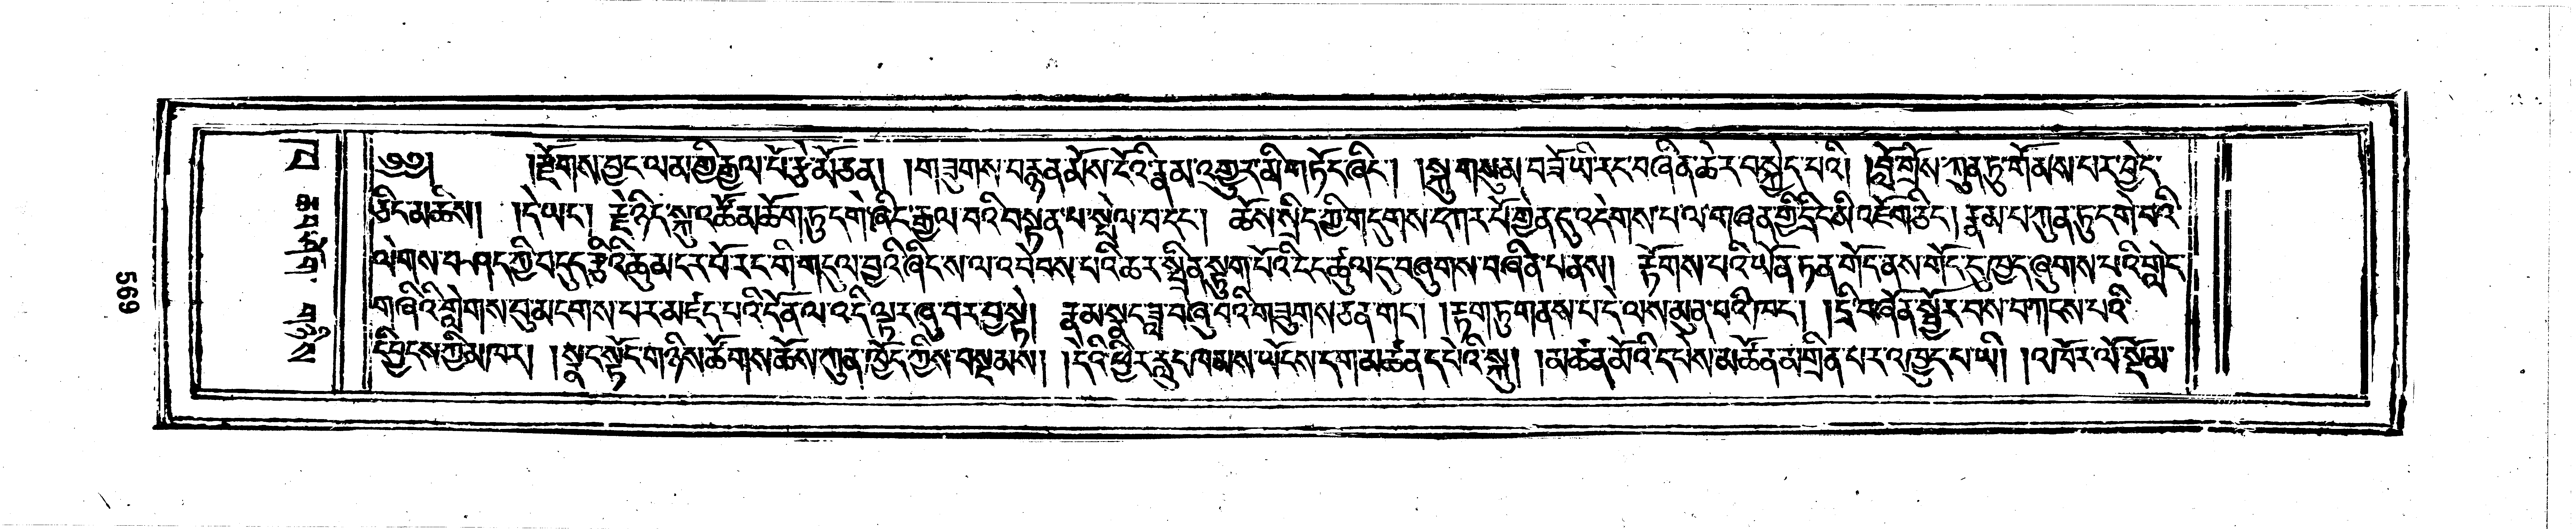༄༅། །རྫོགས་བྱང་ལམ་གྱི་རྒྱལ་པོ་རྩེ་མོ་ཅན། །གཟུགས་བརྙན་མོས་ངོའི་རྣམ་འགྱུར་མི་གཏོང་ཞིང་། །སྐུ་གསུམ་བཟོ་ཡི་རང་བཞིན་ཆེར་བསྐྱེད་པའི། །བློ་གྲོས་ཀུན་ཏུ་གོམས་པར་བྱེད་
ཅིང་མཆིས། །དེ་ཡང་། རྗེ་ཉིད་སྐུ་འཚོ་མཆོག་ཏུ་དགེ་ཞིང་རྒྱལ་བའི་བསྟན་བ་སྤེལ་བ་དང་། ཆོས་སྲིད་ཀྱི་གདུགས་དཀར་པོ་གྱེན་དུ་འདེགས་པ་ལ་གཞན་གྱི་དྲིང་མི་འཇོག་ཅིང་། རྣམ་པ་ཀུན་ཏུ་དགེ་བའི་
ལེགས་བཤད་ཀྱི་བདུད་རྩིའི་ཆུ་མངར་པོ་རང་གི་གདུལ་བྱའི་ཞིང་ས་ལ་འབེབས་པའི་ཆར་སྤྲིན་སྟུག་པོའི་ངང་ཚུལ་དུ་བཞུགས་བཞིན་པ་ནས། རྟོགས་པའི་ཡོན་ཏན་གོང་ནས་གོང་དུ་ཁྱད་ཞུགས་པའི་གླེང་
གཞིའི་གླེགས་བུ་མངགས་པར་མཛད་པའི་དོན་ལ་འདི་ལྟར་ཞུ་བར་བྱ་སྟེ། རྣམ་སྣང་ཟླ་བཞུ་བའི་གཟུགས་ཅན་གང་། །རྟག་ཏུ་གནས་པ་དེ་ལས་མུན་པའི་ཁང་། །དྲི་བཞོན་སྦྱོར་བས་བཀངས་པའི་
དབྱིངས་ཀྱི་མཁར། །སྣང་སྟོང་གཉིས་ཚོགས་ཆོས་ཀུན་ཁྱོད་ཀྱིས་བསྔམས། །དེའི་ཕྱིར་རླུང་ཁམས་ཡོངས་དག་མཚན་དཔེའི་སྐུ། །མཚན་མོའི་དཔེས་མཚོན་མགྲིན་པར་འཁྱུད་པ་ཡི། །འཁོར་ལོ་སྡོམ་